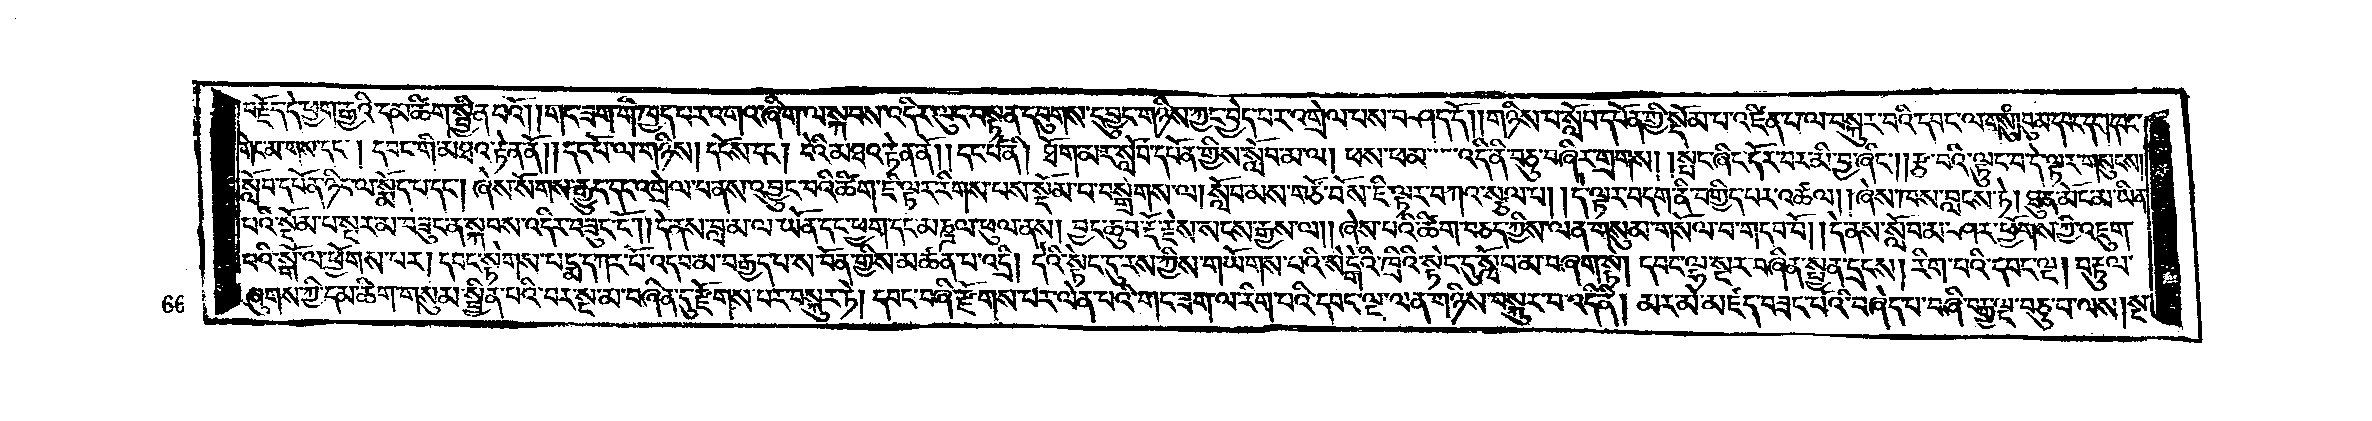བརྗོད་དེ་ཕྱག་རྒྱའི་དམ་ཚིག་སྦྱིན་པའོ། །གང་ཟག་གི་ཁྱད་པར་འགའ་ཞིག་ལ་སྐབས་འདིར་ལུང་བསྟན་དབུགས་དབྱུང་གཉིས་ཀྱང་བྱེད་པར་འགྲེལ་པས་བཤད་དོ། །གཉིས་པ་སློབ་དཔོན་གྱི་སྡོམ་པ་འཛིན་པ་ལ་བསྐུར་བའི་དབང་ལ་གསུམ། བུམ་དབང་དང་། དབང་
གེང་མ་གས་དང་། དབང་གི་མཐའ་རྟེན་ནོ། །དང་པོ་ལ་གཉིས། དངོས་དང་། དེའི་མཐའ་རྟེན་ནོ། །དང་པོ་ནི། ཐོག་མར་སློབ་དཔོན་གྱིས་སློབ་མ་ལ། ཕས་ཕམ་འདི་ནི་བཅུ་བཞིར་གྲགས། །སྤང་ཞིང་དོར་བར་མི་བྱ་ཞིང་། །རྩ་བའི་ལྟུང་བ་དེ་ལྟར་གསུངས།
སློབ་དཔོན་ཉིད་ལ་སྨོད་པ་དང་། ཞེས་སོགས་རྒྱུད་དང་འགྲེལ་པ་ནས་འབྱུང་བའི་ཚིག་ཇི་ལྟར་རིགས་པས་སྡོམ་པ་བསྒྲགས་ལ། སློབ་མས་གཙོ་བོས་ཇི་ལྟར་བཀའ་སྩལ་པ། །དེ་ལྟར་བདག་ནི་བགྱིད་པར་འཚལ། །ཞེས་ཁས་བླངས་ཏེ། ཐུན་མོང་མ་ཡིན་
པའི་སྡོམ་པ་སྔར་མ་བཟུང་ན་སྐབས་འདིར་བཟུང་ངོ། །དེ་ནས་བླ་མ་ལ་ཡོན་དང་ཕྱག་དང་མཎྜལ་ཕུལ་ནས། བྱང་ཆུབ་རྡོ་རྗེས་སངས་རྒྱས་ལ། །ཞེས་པའི་ཚིག་བཅད་ཀྱིས་ལན་གསུམ་གསོལ་བ་གདབ་བོ། །དེ་ནས་སློབ་མ་ཤར་ཕྱོགས་ཀྱི་འཇུག་
པའི་སྒོ་ལ་ཕྱོགས་པར། དབང་སྟེགས་པདམ་དཀར་པོ་འདབ་མ་བརྒྱད་པ་ས་བོན་གྱིས་མཚན་པ་འདྲི། དེའི་སྟེང་དུ་རས་ཀྱིས་གཡོགས་པའི་སེངགེའི་ཁྲིའི་སྟེང་དུ་སློབ་མ་བཞག་སྟེ། དབང་ལྷ་སྔར་བཞིན་སྤྱན་དྲངས། རིག་པའི་དབང་ལྔ། བརྟུལ་
ཞུགས་ཀྱི་དམ་ཚིག་གསུམ་སྦྱིན་པའི་བར་སྔ་མ་བཞིན་དུ་རྫོགས་པར་བསྐུར་ཏེ། དབང་བཞི་རྫོགས་པར་ལེན་པའི་གང་ཟག་ལ་རིག་པའི་དབང་ལྔ་ལན་གཉིས་བསྐུར་བ་འདི་ནི། མར་མེ་མཛད་བཟང་པོའི་བཞེད་པ་བཞི་བརྒྱ་ལྔ་བཅུ་པ་ལས། སྔ་